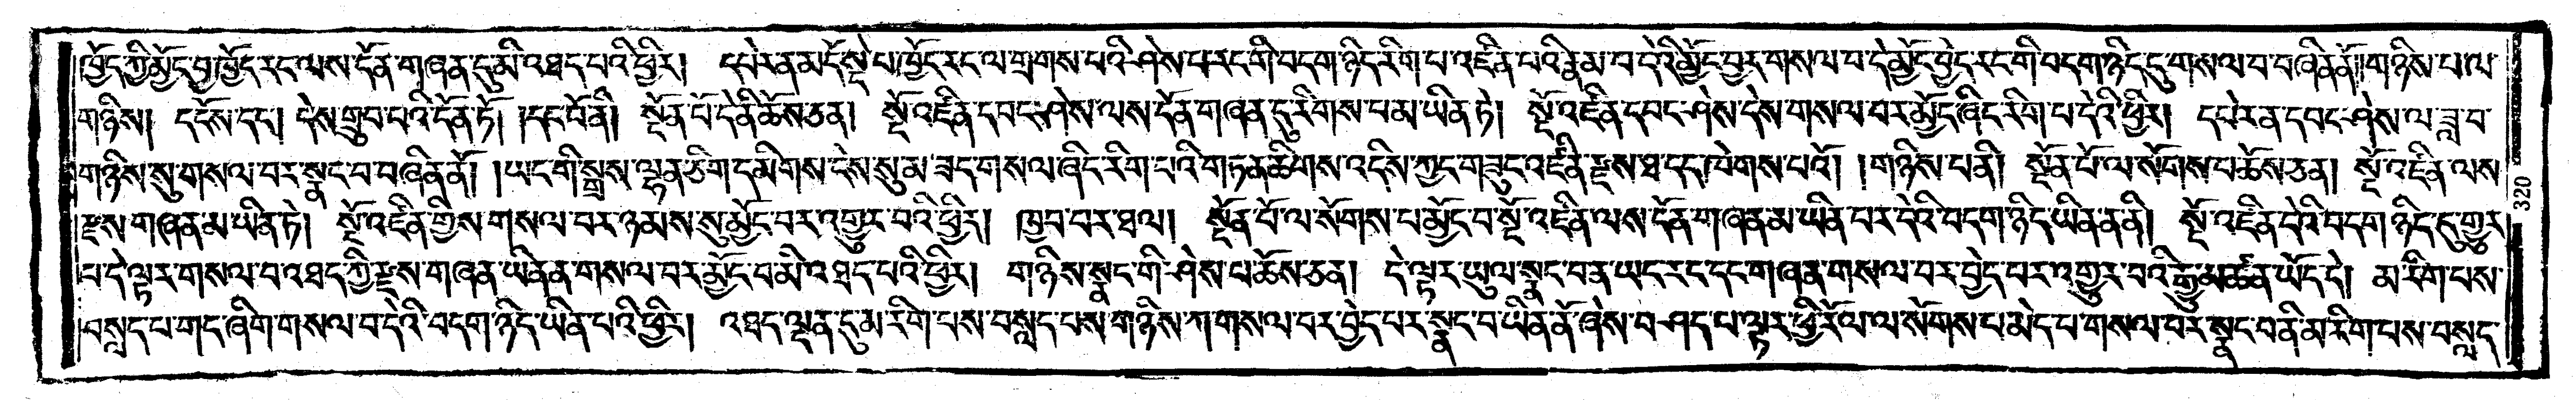ཁྱོད་ཀྱི་མྱོང་བྱ་ཁྱོད་རང་ལས་དོན་གཞན་དུ་མི་འཐད་པའི་ཕྱིར། དཔེར་ན་མདོ་སྡེ་པ་ཁྱོད་རང་ལ་གྲགས་པའི་ཤེས་པ་རང་གི་བདག་ཉིད་རིག་པ་འཛིན་པའི་རྣམ་པ་དེའི་མྱོང་བྱར་གསལ་བ་དེ་མྱོང་བྱེད་རང་གི་བདག་ཉིད་དུ་གསལ་བ་བཞིན་ནོ། །གཉིས་པ་ལ་
གཉིས། དངོས་དང་། དེས་གྲུབ་པའི་དོན་ཏོ། །དང་པོ་ནི། སྔོན་པོ་དེ་ནི་ཆོས་ཅན། སྔོ་འཛིན་དབང་ཤེས་ལས་དོན་གཞན་དུ་རིགས་པ་མ་ཡིན་ཏེ། སྔོ་འཛིན་དབང་ཤེས་དེས་གསལ་བར་མྱོང་ཞིང་རིག་པ་དེའི་ཕྱིར། དཔེར་ན་དབང་ཤེས་ལ་ཟླ་བ་
གཉིས་སུ་གསལ་བར་སྣང་བ་བཞིན་ནོ། །ཡང་གི་སྒྲས་ལྷན་ཅིག་དམིགས་ངེས་སུ་མ་ཟད་གསལ་ཞིང་རིག་པའི་གཏན་ཚིགས་འདིས་ཀྱང་གཟུང་འཛིན་རྫས་ཐ་དད་ཁེགས་པའོ། །གཉིས་པ་ནི། སྔོན་པོ་ལ་སོགས་པ་ཆོས་ཅན། སྔོ་འཛིན་ལས་
རྫས་གཞན་མ་ཡིན་ཏེ། སྔོ་འཛིན་གྱིས་གསལ་བར་ཉམས་སུ་མྱོང་བར་འགྱུར་བའི་ཕྱིར། ཁྱབ་པར་ཐལ། སྔོན་པོ་ལ་སོགས་པ་མྱོང་བ་སྔོ་འཛིན་ལས་དོན་གཞན་མ་ཡིན་པར་དེའི་བདག་ཉིད་ཡིན་ན་ནི། སྔོ་འཛིན་དེའི་བདག་ཉིད་དུ་གྱུར་
པ་དེ་ལྟར་གསལ་བ་འཐད་ཀྱི་རྫས་གཞན་ཡིན་ན་གསལ་བར་མྱོང་བ་མི་འཐད་པའི་ཕྱིར། གཉིས་སྣང་གི་ཤེས་པ་ཆོས་ཅན། དེ་ལྟར་ཡུལ་སྣང་བ་ན་ཡང་རང་དང་གཞན་གསལ་བར་བྱེད་པར་འགྱུར་བའི་རྒྱུ་མཚན་ཡོད་དེ། མ་རིག་པས་
བསླད་པ་གང་ཞིག་གསལ་བ་དེའི་བདག་ཉིད་ཡིན་པའི་ཕྱིར། འཐད་ལྡན་དུ་མ་རིག་པས་བསླད་པས་གཉིས་ཀ་གསལ་བར་བྱེད་པར་སྣང་བ་ཡིན་ནོ་ཞེས་བཤད་པ་ལྟར་ཕྱི་རོལ་ལ་སོགས་པ་མེད་པ་གསལ་བར་སྣང་བ་ནི་མ་རིག་པས་བསླད་